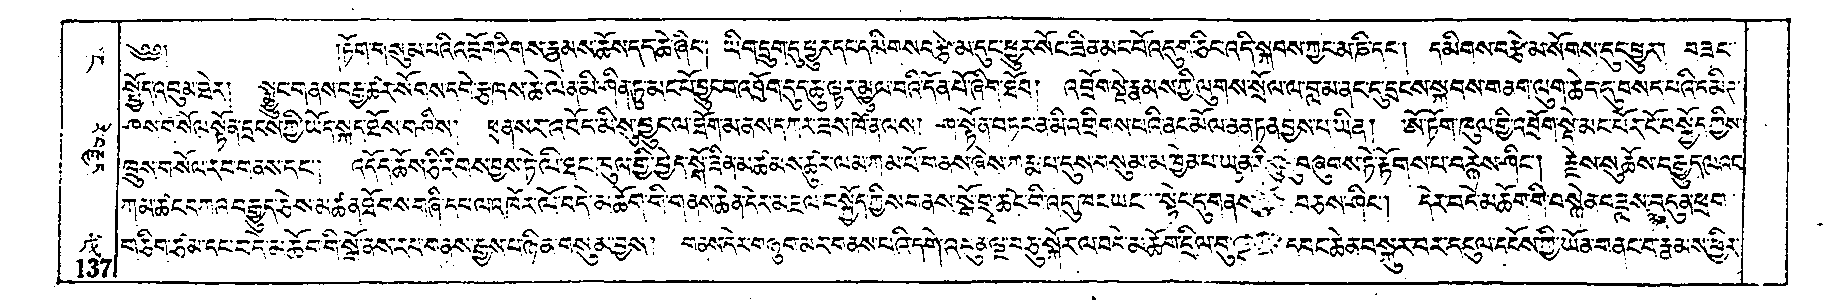༄༅། །ཏོག་གསུམ་པའི་འབྲོག་རིགས་རྣམས་ཆོས་དད་ཆེ་ཞིང་། ཡིག་དྲུག་དུ་ཕྱུར་དང་དམིགས་བརྩེ་མ་དུང་ཕྱུར་སོང་ཟིན་མང་པོ་འདུག་ཅིང་འདི་སྐབས་ཀྱང་མ་ཎི་དང་། དམིགས་བརྩེ་མ་སོགས་དུང་ཕྱུར། བཟང་
སྤྱོད་འབུམ་ཐེར། སྨྱུང་གནས་བརྒྱ་ཚར་སོགས་དགེ་རྩ་ཁས་ཆེ་ལེན་མི་ཤིན་ཏུ་མང་པོ་བྱུང་བ་འབྲོག་དུད་ཆུ་ལྟར་མྱུལ་བའི་དོན་པོ་ཞིག་ཐོབ། འབྲོག་སྡེ་རྣམས་ཀྱི་ལུགས་སྲོལ་ལ་བླ་མ་ནང་དུ་དྲངས་སྐབས་གནག་ལུག་ཆེད་དུ་བསད་པའི་དམིགས་
ཤས་གསོལ་སྟོན་དྲངས་ཀྱི་ཡོད་སྐད་ཐོས་གཤིས། ཕྲན་སར་འབོད་མི་སུ་བྱུང་ལ་ཐོག་མ་ནས་དཀར་ཟས་ཁོ་ན་ལས། ཤ་སྟོན་བཏང་ན་མི་འགྲིགས་པའི་ནང་མོལ་ནན་ཏན་བྱས་པ་ཡིན། ཨོ་ཏོག་ཁུལ་གྱི་འབྲོག་སྡེ་མང་པོར་ངོ་བསྐྱོད་ཀྱིས་
ཁྲུས་གསོལ་རབ་གནས་དང་། འདོད་ཆོས་ཅི་རིགས་བྱས་ཏེ་ལི་ཐང་ཁུལ་གྱི་བྱེད་སྒོ་ཟིན་མཚམས་ཚུར་ལམ་ཀམ་པོ་གནས་ཞེས་ཀརྨ་པ་དུས་གསུམ་མཁྱེན་པ་ཡུན་རིང་དུ་བཞུགས་ཏེ་རྟོགས་པ་བརྙེས་ཤིང་། རྗེས་སུ་ཆོས་བརྒྱུད་ལའང་
ཀམ་ཚང་བཀའ་བརྒྱུད་ཅེས་མཚན་ཐོགས་གཞི་དཔལ་འཁོར་ལོ་བདེ་མཆོག་གི་གནས་ཆེན་དེར་མཇལ་བསྐྱོད་ཀྱིས་གནས་སྒོ་གྲྭ་ཚང་གི་འདུ་ཁང་ཡང་སྟེང་དུ་གནས་སུ་?་བཅས་ཤིང་། དེར་བདེ་མཆོག་གི་བསྙེན་བཟླས་ཉིན་བདུན་ཕྲག་
གཅིག་ཙམ་དང་བདེ་མཆོག་གི་སྒོ་ནས་རབ་གནས་རྒྱས་པ་ཉིན་གསུམ་བྱས། གནས་དེར་གཉུག་མར་གནས་པའི་དགེ་འདུན་ལྔ་བཅུ་སྐོར་ལ་བདེ་མཆོག་དྲིལ་བུ་ལྔའི་?་དབང་ཆེན་བསྐུར་བར་དངུལ་དངོས་ཀྱི་ཡོན་གནང་བ་རྣམས་ཕྱིར་